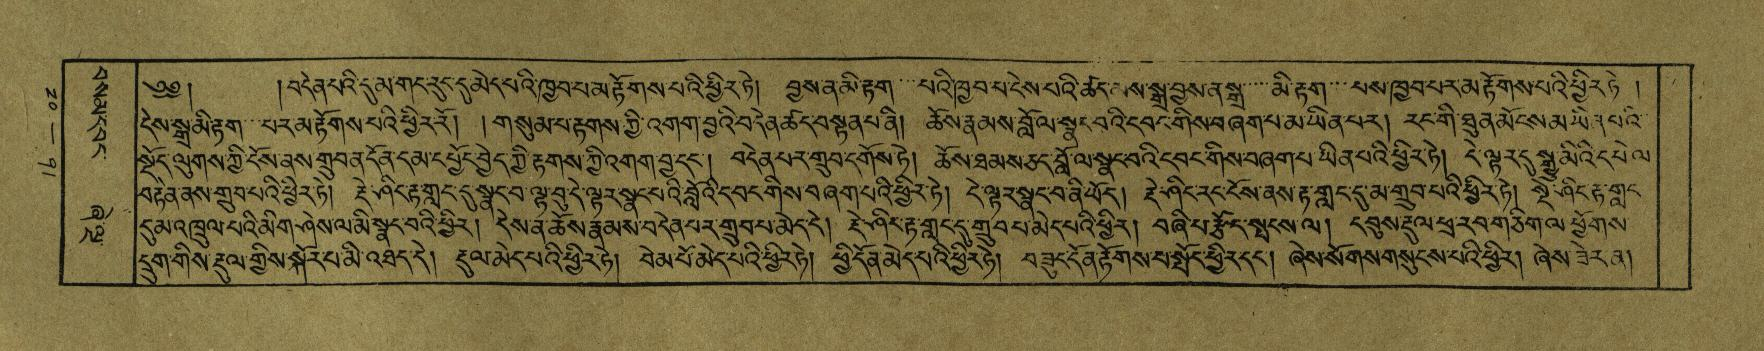༄༅། །བདེན་པའི་དུ་མ་གང་རུང་དུ་མེད་པའི་ཁྱབ་པ་མ་རྟོགས་པའི་ཕྱིར་ཏེ། བྱས་ན་མི་རྟག་པའི་ཁྱབ་པ་ངེས་པའི་ཚད་མས་སྒྲ་བྱས་ན་སྒྲ་མི་རྟག་པས་ཁྱབ་པར་མ་རྟོགས་པའི་ཕྱིར་ཏེ།
དེས་སྒྲ་མི་རྟག་པར་མ་རྟོགས་པའི་ཕྱིར་རོ། །གསུམ་པ་རྟགས་ཀྱི་འགག་བྱའི་བདེན་ཚད་བསྟན་པ་ནི། ཆོས་རྣམས་བློ་ལ་སྣང་བའི་དབང་གིས་བཞག་པ་མ་ཡིན་པར། རང་གི་ཐུན་མོངས་མ་ཡིན་པའི་
སྡོད་ལུགས་ཀྱི་ངོས་ནས་གྲུབ་ན་དོན་དམ་དཔྱོད་བྱེད་ཀྱི་རྟགས་ཀྱི་འགག་བྱ་དང་། བདེན་པར་གྲུབ་དགོས་ཏེ། ཆོས་ཐམས་ཅད་བློ་ལ་སྣང་བའི་དབང་གིས་བཞག་པ་ཡིན་པའི་ཕྱིར་ཏེ། དེ་ལྟར་དུ་སྒྱུ་མའི་དཔེ་ལ་
བརྟེན་ནས་གྲུབ་པའི་ཕྱིར་ཏེ། རྡེ་ཤིང་རྟ་གླང་དུ་སྣང་བ་ལྟ་བུ་དེ་ལྟར་སྣང་པའི་བློའི་དབང་གིས་བཞག་པའི་ཕྱིར་ཏེ། དེ་ལྟར་སྣང་བ་ནི་ཡོད། རྡེ་ཤིང་རང་ངོས་ནས་རྟ་གླང་དུ་མ་གྲུབ་པའི་ཕྱིར་ཏེ། སྡེ་ཤིང་རྟ་གླང་
དུ་མ་འཁྲུལ་པའི་མིག་ཤེས་ལ་མི་སྣང་བའི་ཕྱིར། དེས་ན་ཆོས་རྣམས་བདེན་པར་གྲུབ་པ་མེད་དེ། རྡེ་ཤིང་རྟ་གླང་དུ་གྲུབ་པ་མེད་པའི་ཕྱིར། བཞི་པ་རྩོད་སྤངས་ལ། དབུས་རྡུལ་ཕྲ་རབ་གཅིག་ལ་ཕྱོགས་
དྲུག་གིས་རྡུལ་གྱིས་སྐོར་པ་མི་འཐད་དེ། རྡུལ་མེད་པའི་ཕྱིར་ཏེ། བེམ་པོ་མེད་པའི་ཕྱིར་ཏེ། ཕྱི་དོན་མེད་པའི་ཕྱིར་ཏེ། བཟུང་དོན་རྟོགས་པ་སྤོང་ཕྱིར་དང་། ཞེས་སོགས་གསུངས་པའི་ཕྱིར། ཞེས་ཟེར་ན།